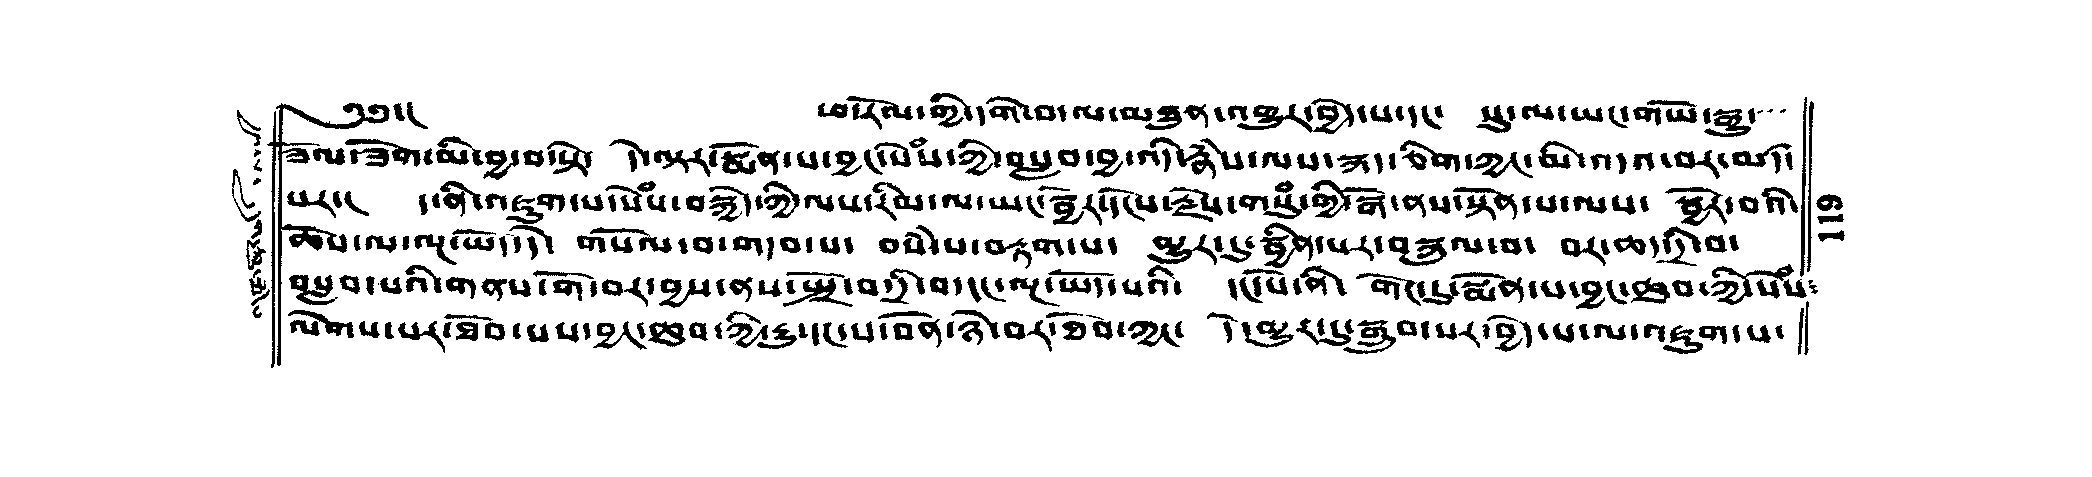ཕ་རོལ་གྱི་དགེ་བ་ལས་མཐུན་འགྱུར་བྱེད་པ་དང་། སུ་ལ་ཡག་གཡོ་སྒྱུ་
ཟོལ་ཟོག་མི་བྱ་བ་སྟེ། དེ་ལྟར་སྨོན་པ་བྱང་སེམས་ཀྱི་བསླབ་བྱ་འདི་རྣམས་ལས་སྐད་ཅིག་ཀྱང་མི་འདའ་བར་མཛད་
པར། ད་ནི་འཇུག་པ་སེམས་བསྐྱེད་ཀྱི་ལས་རིམ་ལ་ཡང་སྦྱོར་དངོས་རྗེས་གསུམ་གྱི་སྒོ་ནས་སྟོན་པ་ལས། སྦྱོར་བའི་
ཆོས་ལ་ལྔ་ཡོད་དེ། གསོལ་བ་གདབ་པ། བསམ་པ་བརྟག་པ། མྱུར་དུ་སྦྱིན་པར་བསྐུལ་བ། བར་ཆད་དྲི་བ་
བསླབ་པའི་གནས་གོ་བར་བྱས་ནས་སྤྲོ་བ་དྲི་བ་དང་ལྔ་ཡོད་པའི།དང་པོ་ནི། གོང་དུ་སྨོན་པ་བྱང་ཆུབ་ཀྱི་སེམས་
ལེགས་པར་ཐོབ་པས་བྱང་ཆུབ་ཀྱི་རྒྱུ་དང་སོ་བོན་ཉེ་བར་ཐོབ་ཀྱང་། དེ་མྱུར་དུ་སྒྲུབ་པར་བྱེད་པ་ལ་འཇུག་པ་